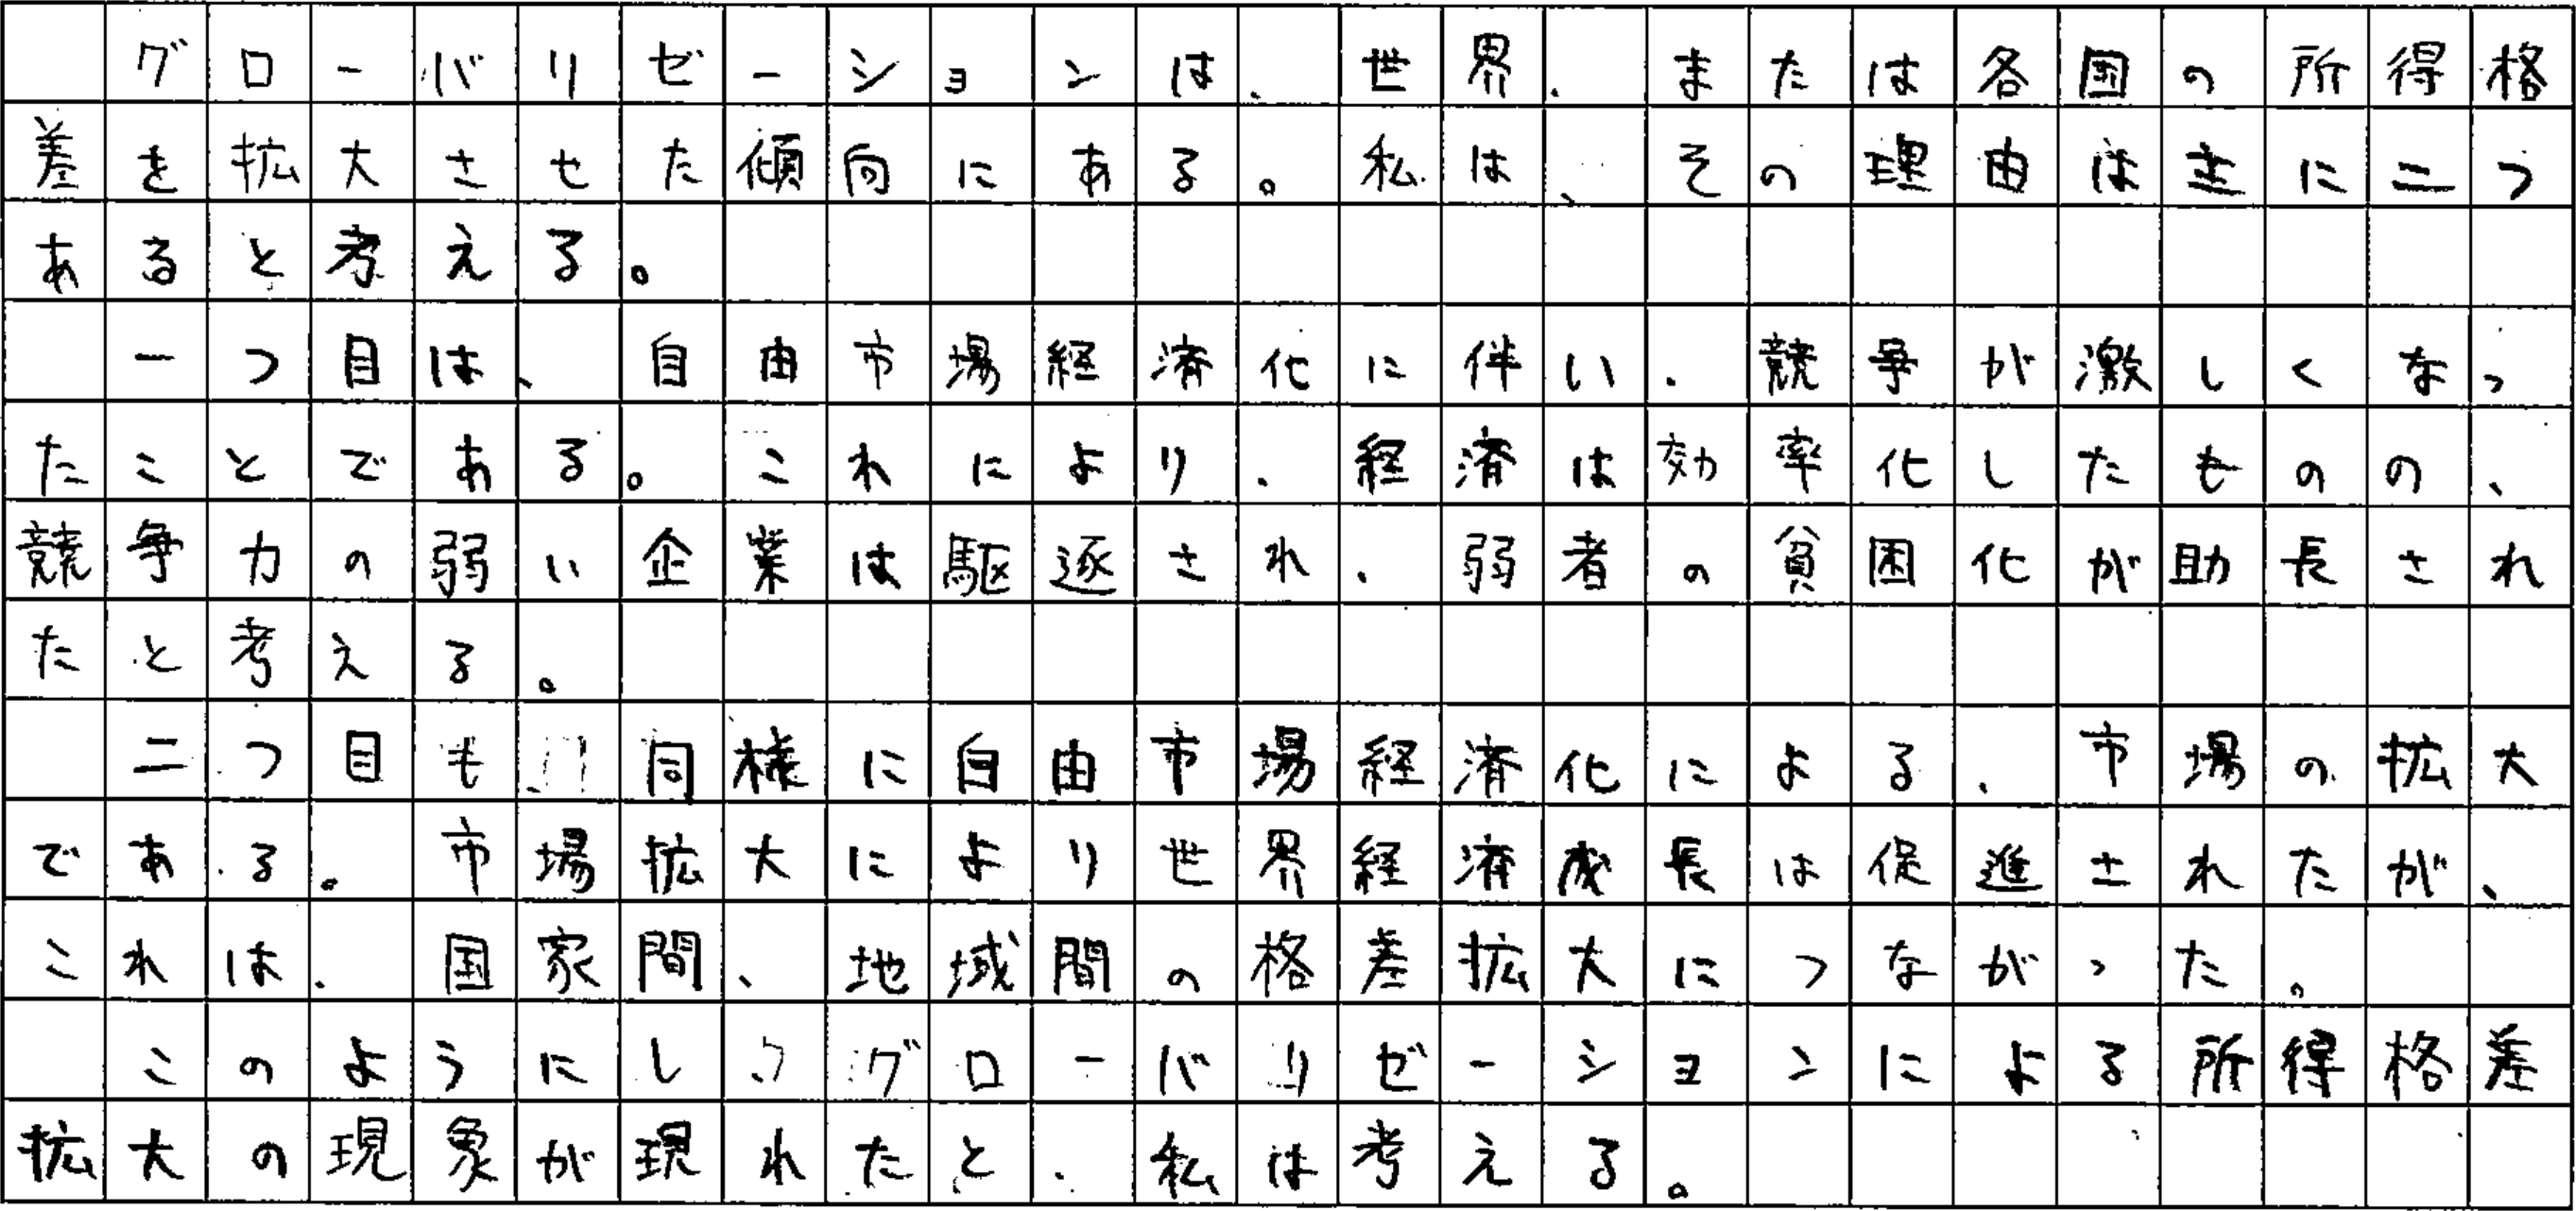　グローバリゼーションは、世界、または各国の所得格差を拡大させた傾向にある。私は、その理由は主に二つあると考える。
　一つ目は、自由市場経済化に伴い、競争が激しくなったことである。これにより、経済は効率化したものの、競争力の弱い企業は駆逐され、弱者の貧困化が助長されたと考える。
　二つ目も、同様に自由市場経済化による、市場の拡大である。市場拡大により世界経済成長は促進されたが、これは、国家間、地域間の格差拡大につながった。
　このようにし、グローバリゼーションによる所得格差拡大の現象が現れたと、私は考える。
